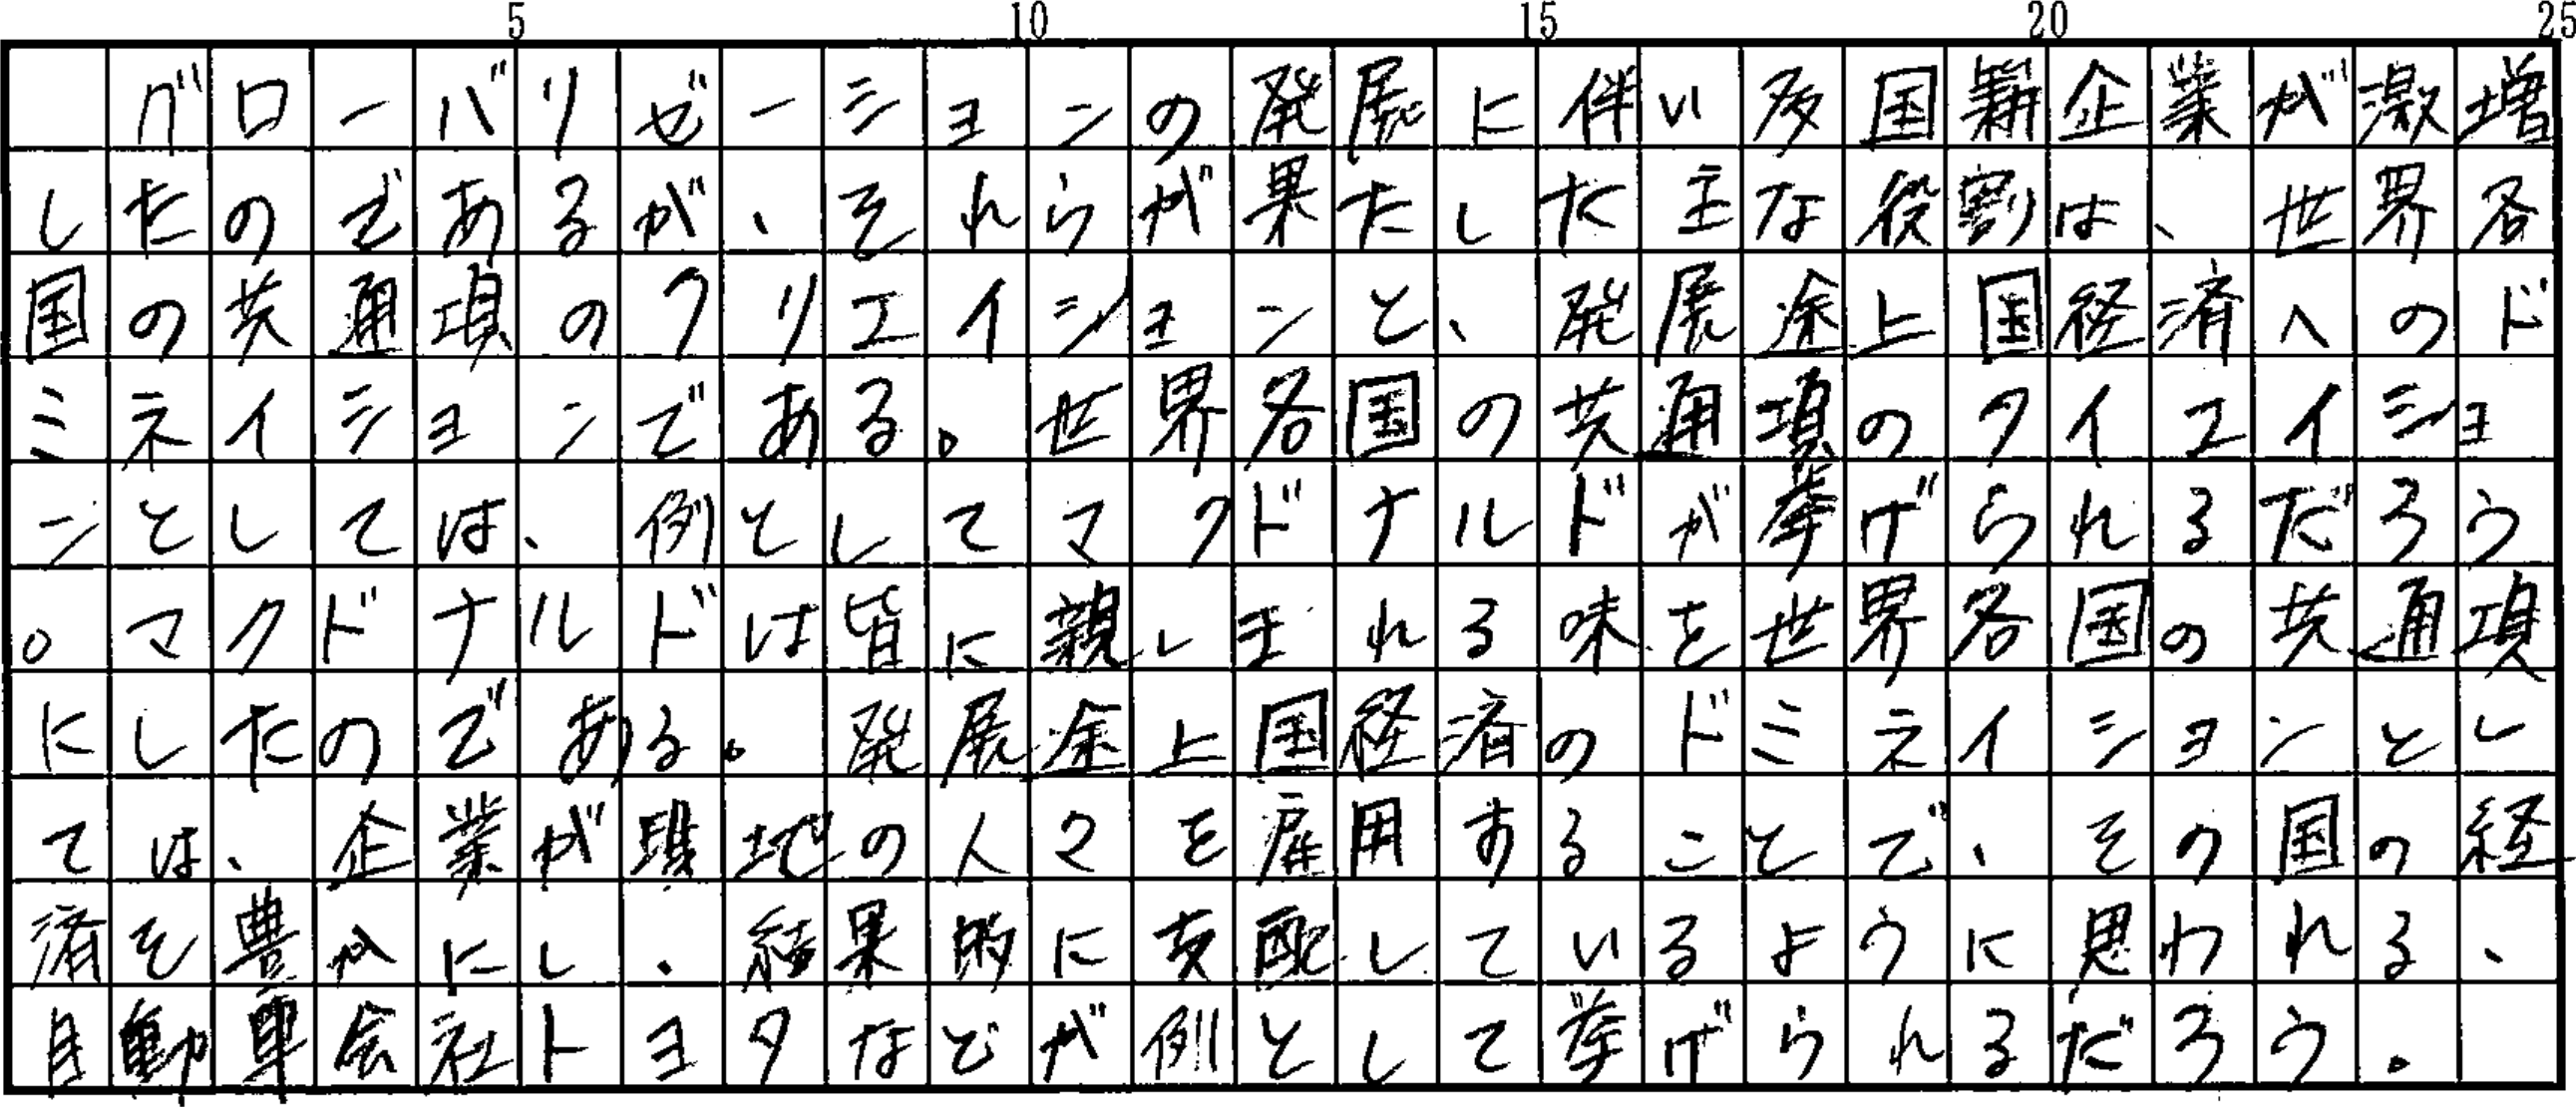　グローバリゼーションの発展に伴い多国▁企業が激増したのであるが、それらが果たした主な役割は、世界各国の共通項のクリエイションと、発展途上国経済へのドミネイションである。世界各国の共通項のクイエイションとしては、例としてマクドナルドが挙げられるだろう。マクドナルドは皆に親しまれる味を世界各国の共通項にしたのである。発展途上国経済のドミネイションとしては、企業が現地の人々を雇用することで、その国の経済を豊かにし、結果的に支配しているように思われる、自動車会社トヨタなどが例として挙げられるだろう。
